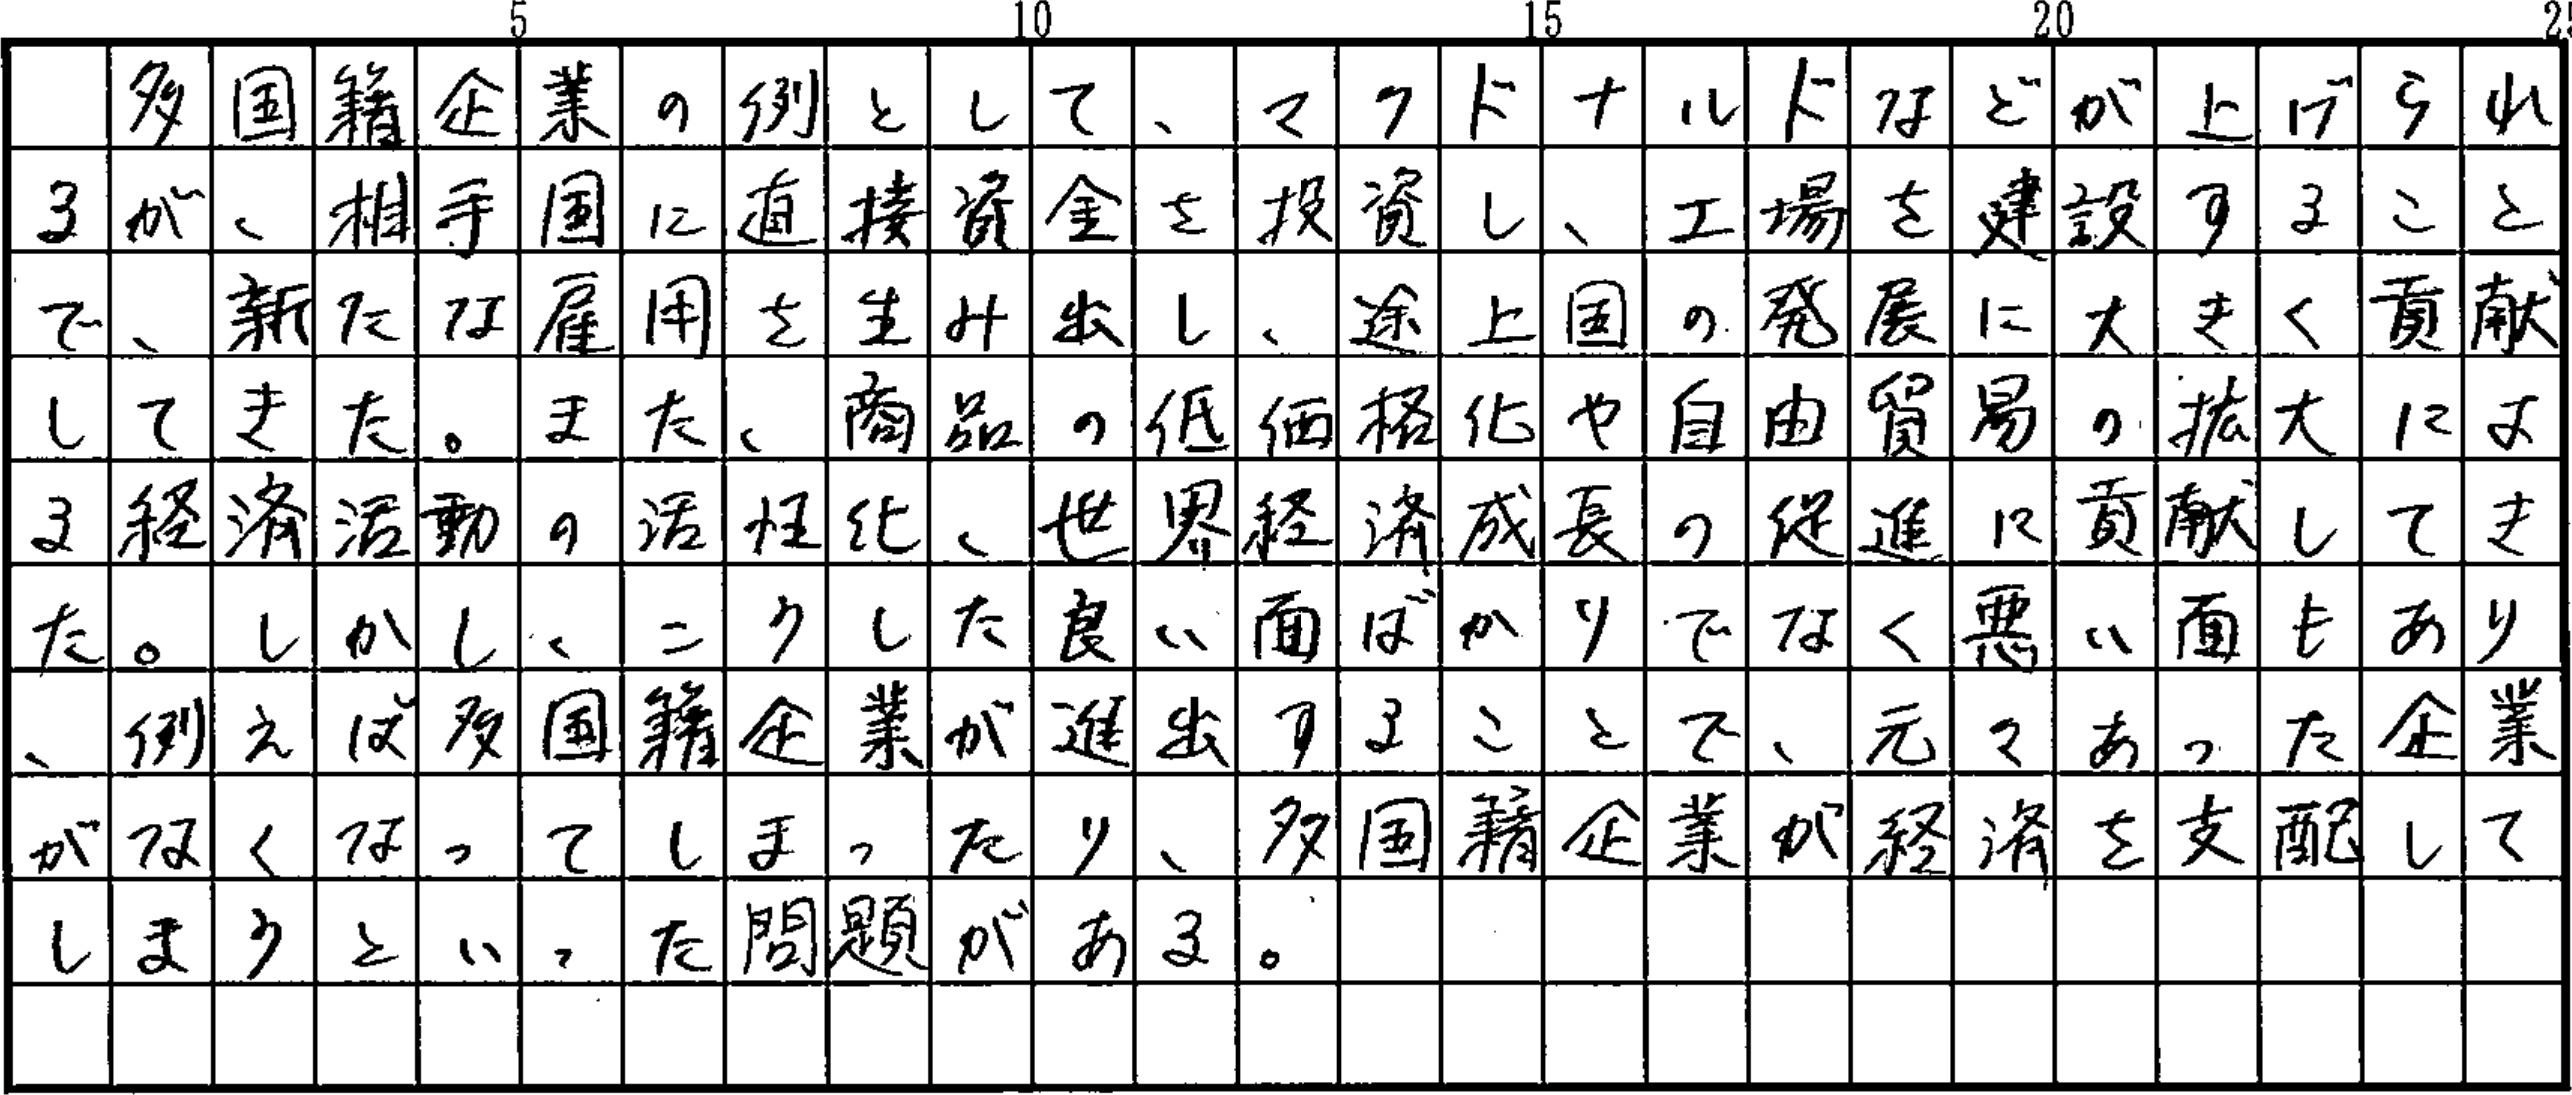　多国籍企業の例として、マクドナルドなどが上げられるが、相手国に直接資金を投資し、工場を建設することで、新たな雇用を生み出し、途上国の発展に大きく貢献してきた。また、商品の低価格化や自由貿易の拡大による経済活動の活性化、世界経済成長の促進に貢献してきた。しかし、こうした良い面ばかりでなく悪い面もあり、例えば多国籍企業が進出することで、元々あった企業がなくなってしまったり、多国籍企業が経済を支配してしまうといった問題がある。
